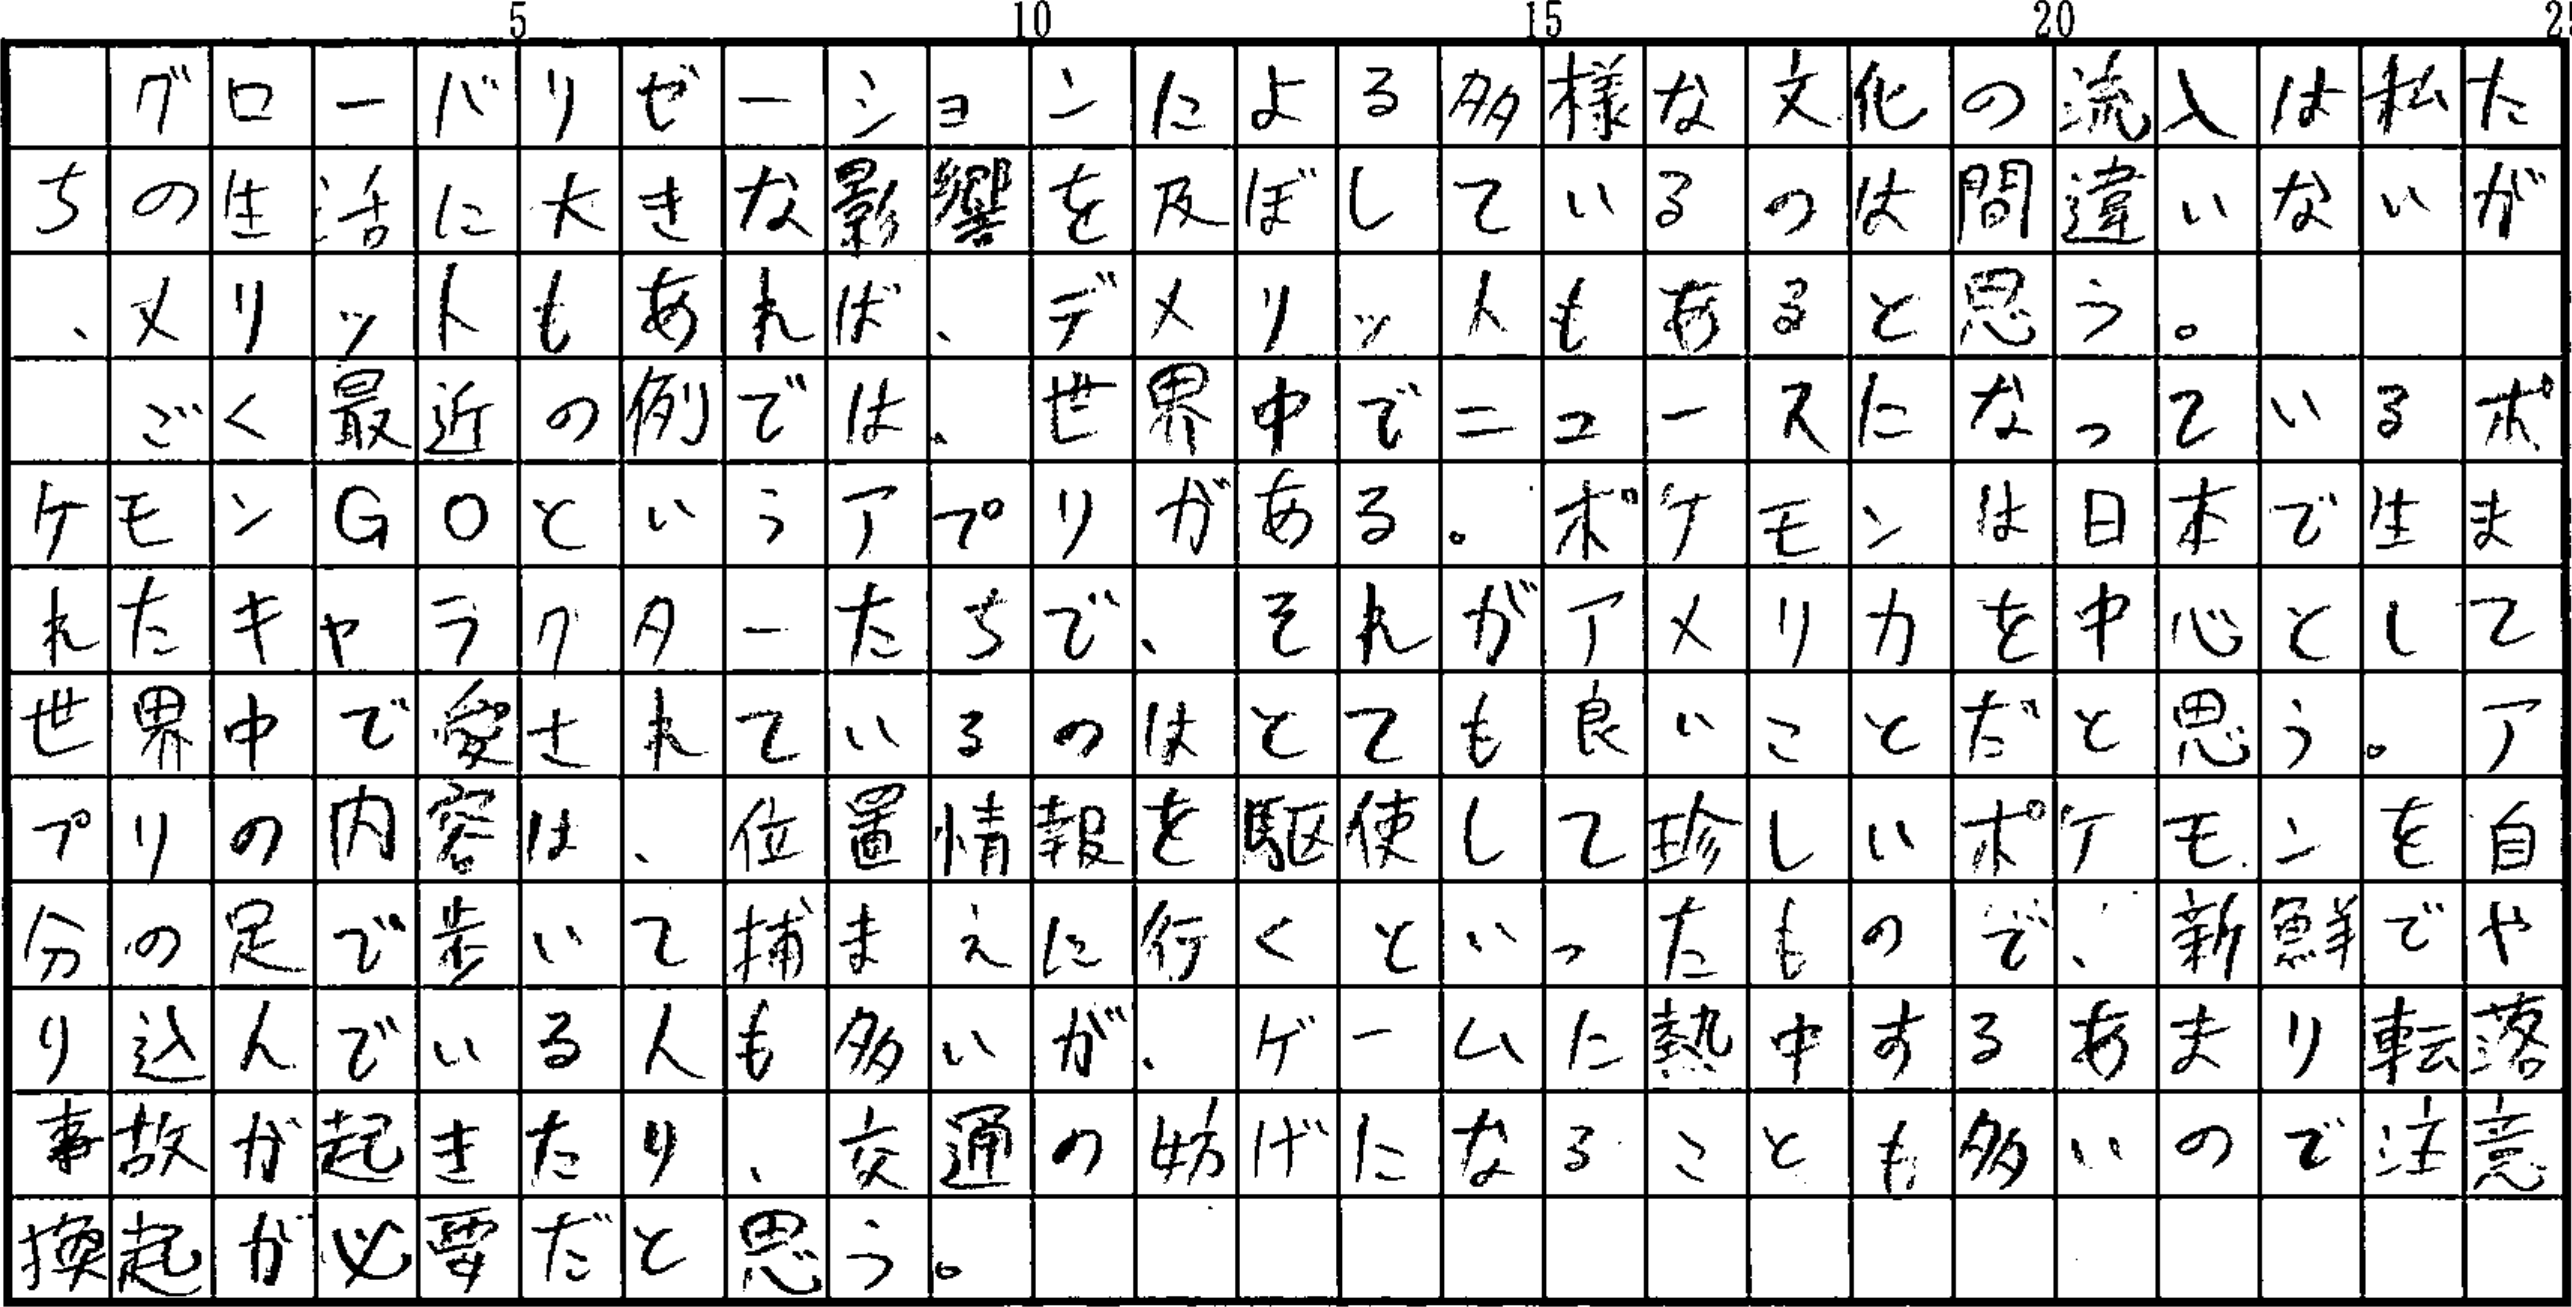　グローバリゼーションによる多様な文化の流入は私たちの生活に大きな影響を及ぼしているのは間違いないが、メリットもあれば、デメリットもあると思う。
　ごく最近の例では、世界中でニュースになっているポケモンＧＯというアプリがある。ポケモンは日本で生まれたキャラクターたちで、それがアメリカを中心として世界中で愛されているのはとても良いことだと思う。アプリの内容は、位置情報を駆使して珍しいポケモンを自分の足で歩いて捕まえに行くといったもので、新鮮でやり込んでいる人も多いが、ゲームに熱中するあまり転落事故が起きたり、交通の妨げになることも多いので注意喚起が必要だと思う。
